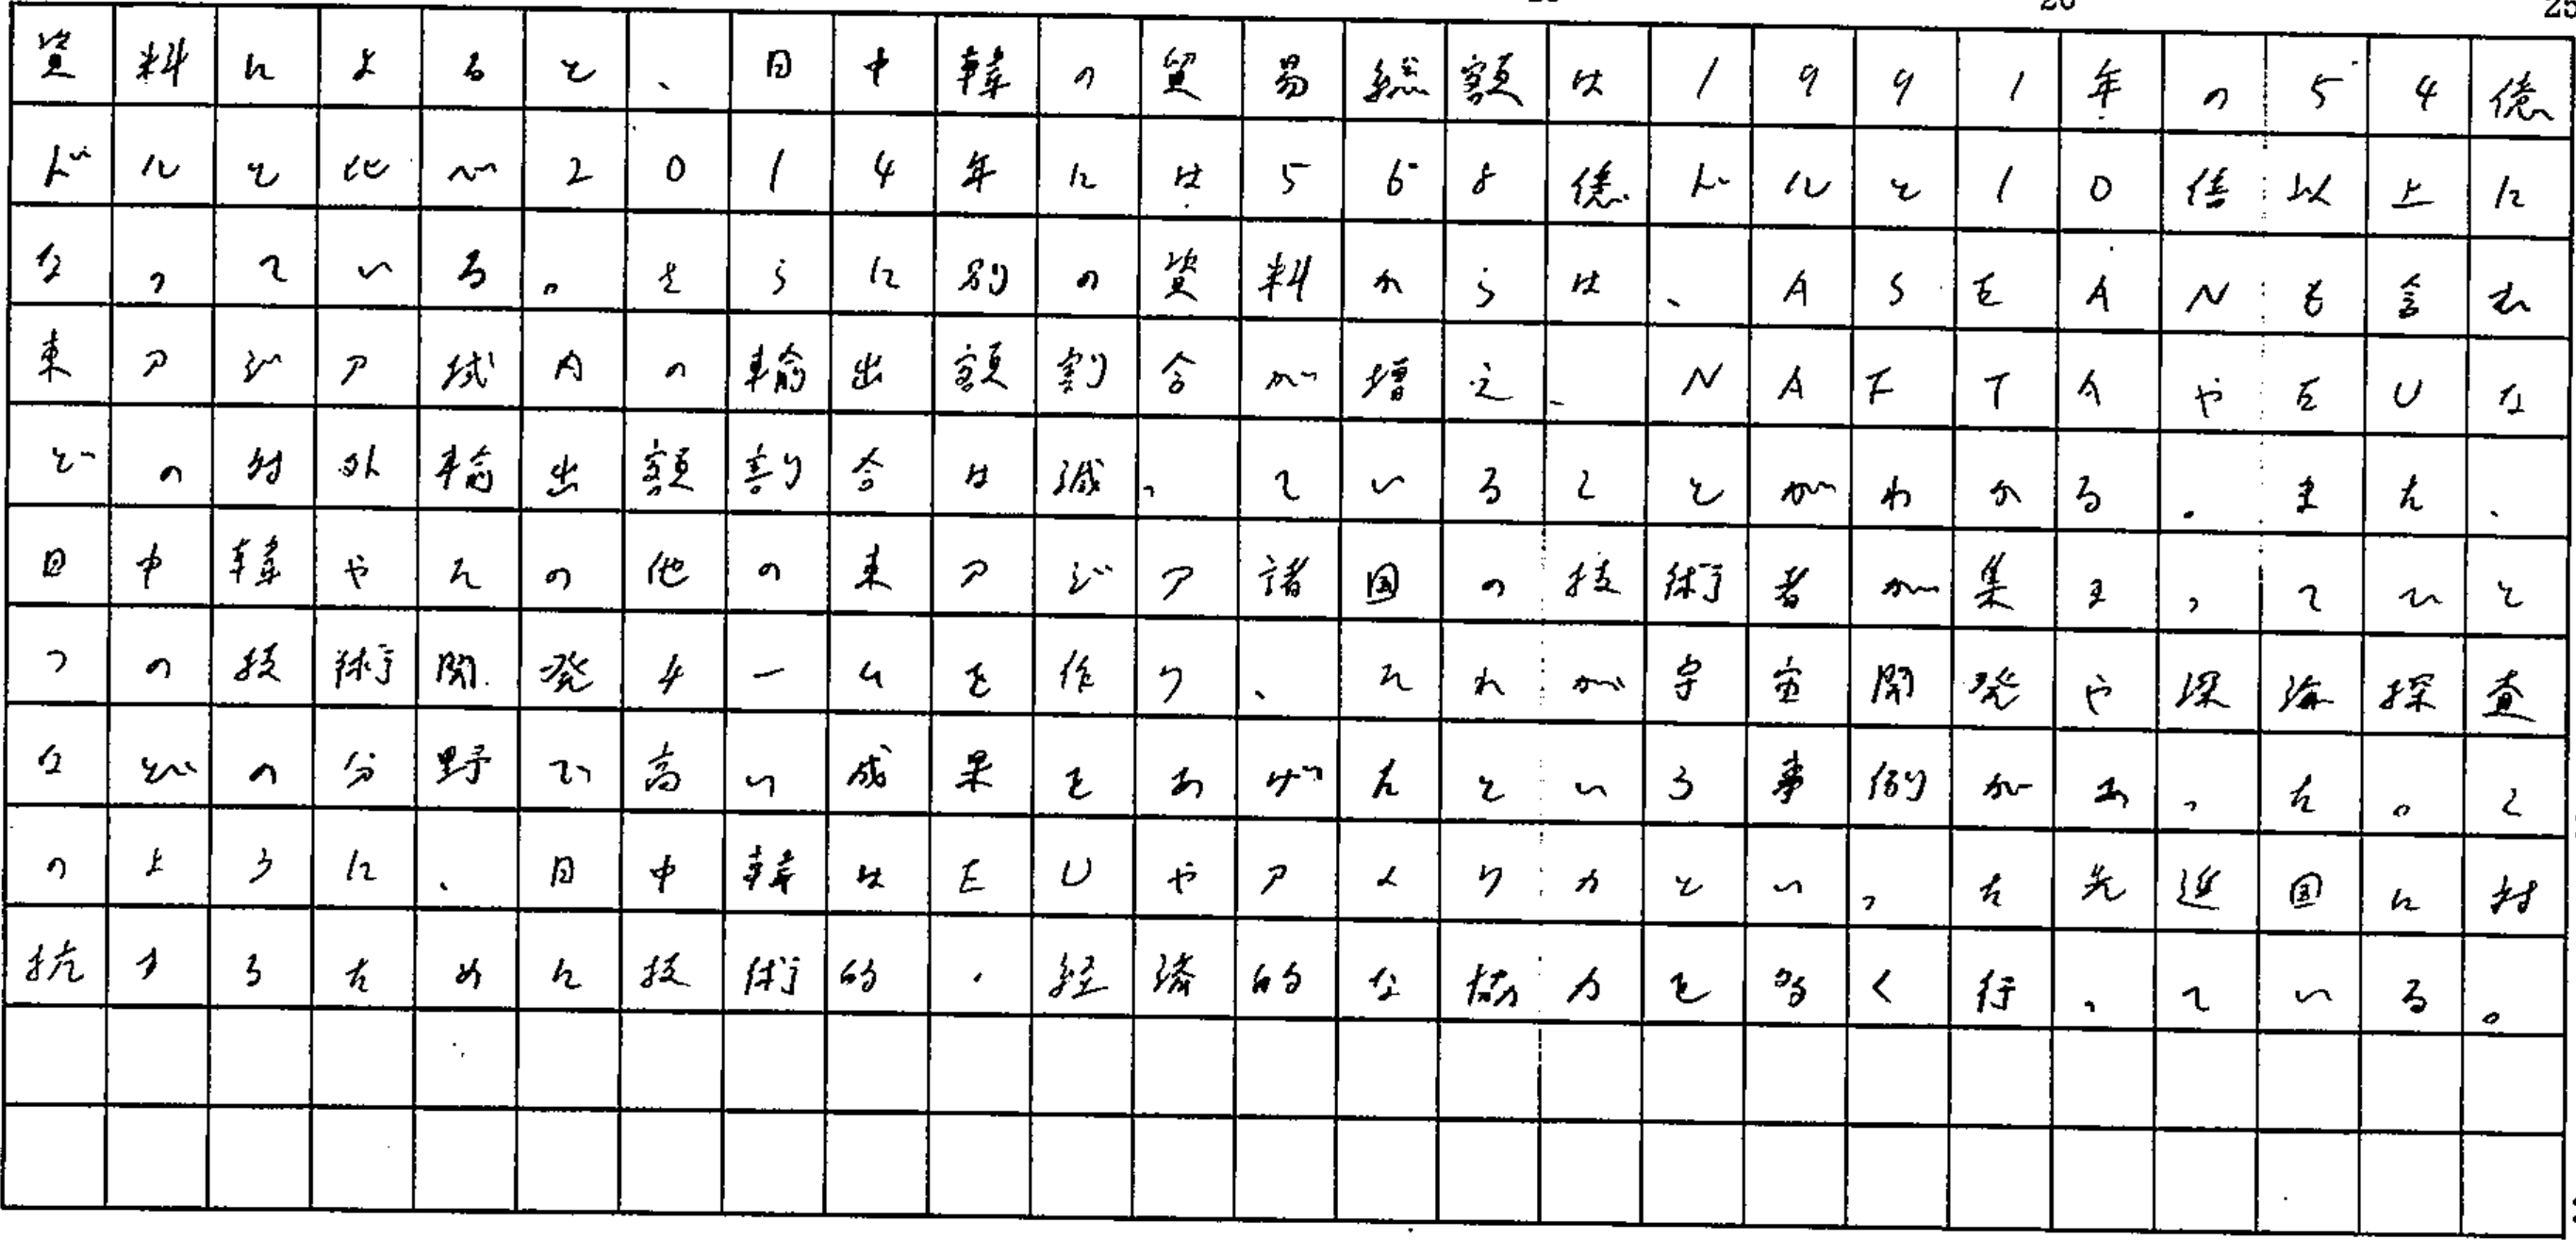資料によると、日中韓の貿易総額は１９９１年の５４億ドルと比べ２０１４年には５６８億ドルと１０倍以上になっている。さらに別の資料からは、ＡＳＥＡＮも含む東アジア域内の輸出額割合が増え、ＮＡＦＴＡやＥＵなどの対外輸出額割合は減っていることがわかる。また、日中韓やその他の東アジア諸国の技術者が集まってひとつの技術開発チームを作り、それが宇宙開発や深海探査などの分野で高い成果をあげたという事例があった。このように、日中韓にＥＵやアメリカといった先進国に対抗するために技術的・経済的な協力を多く行っている。
